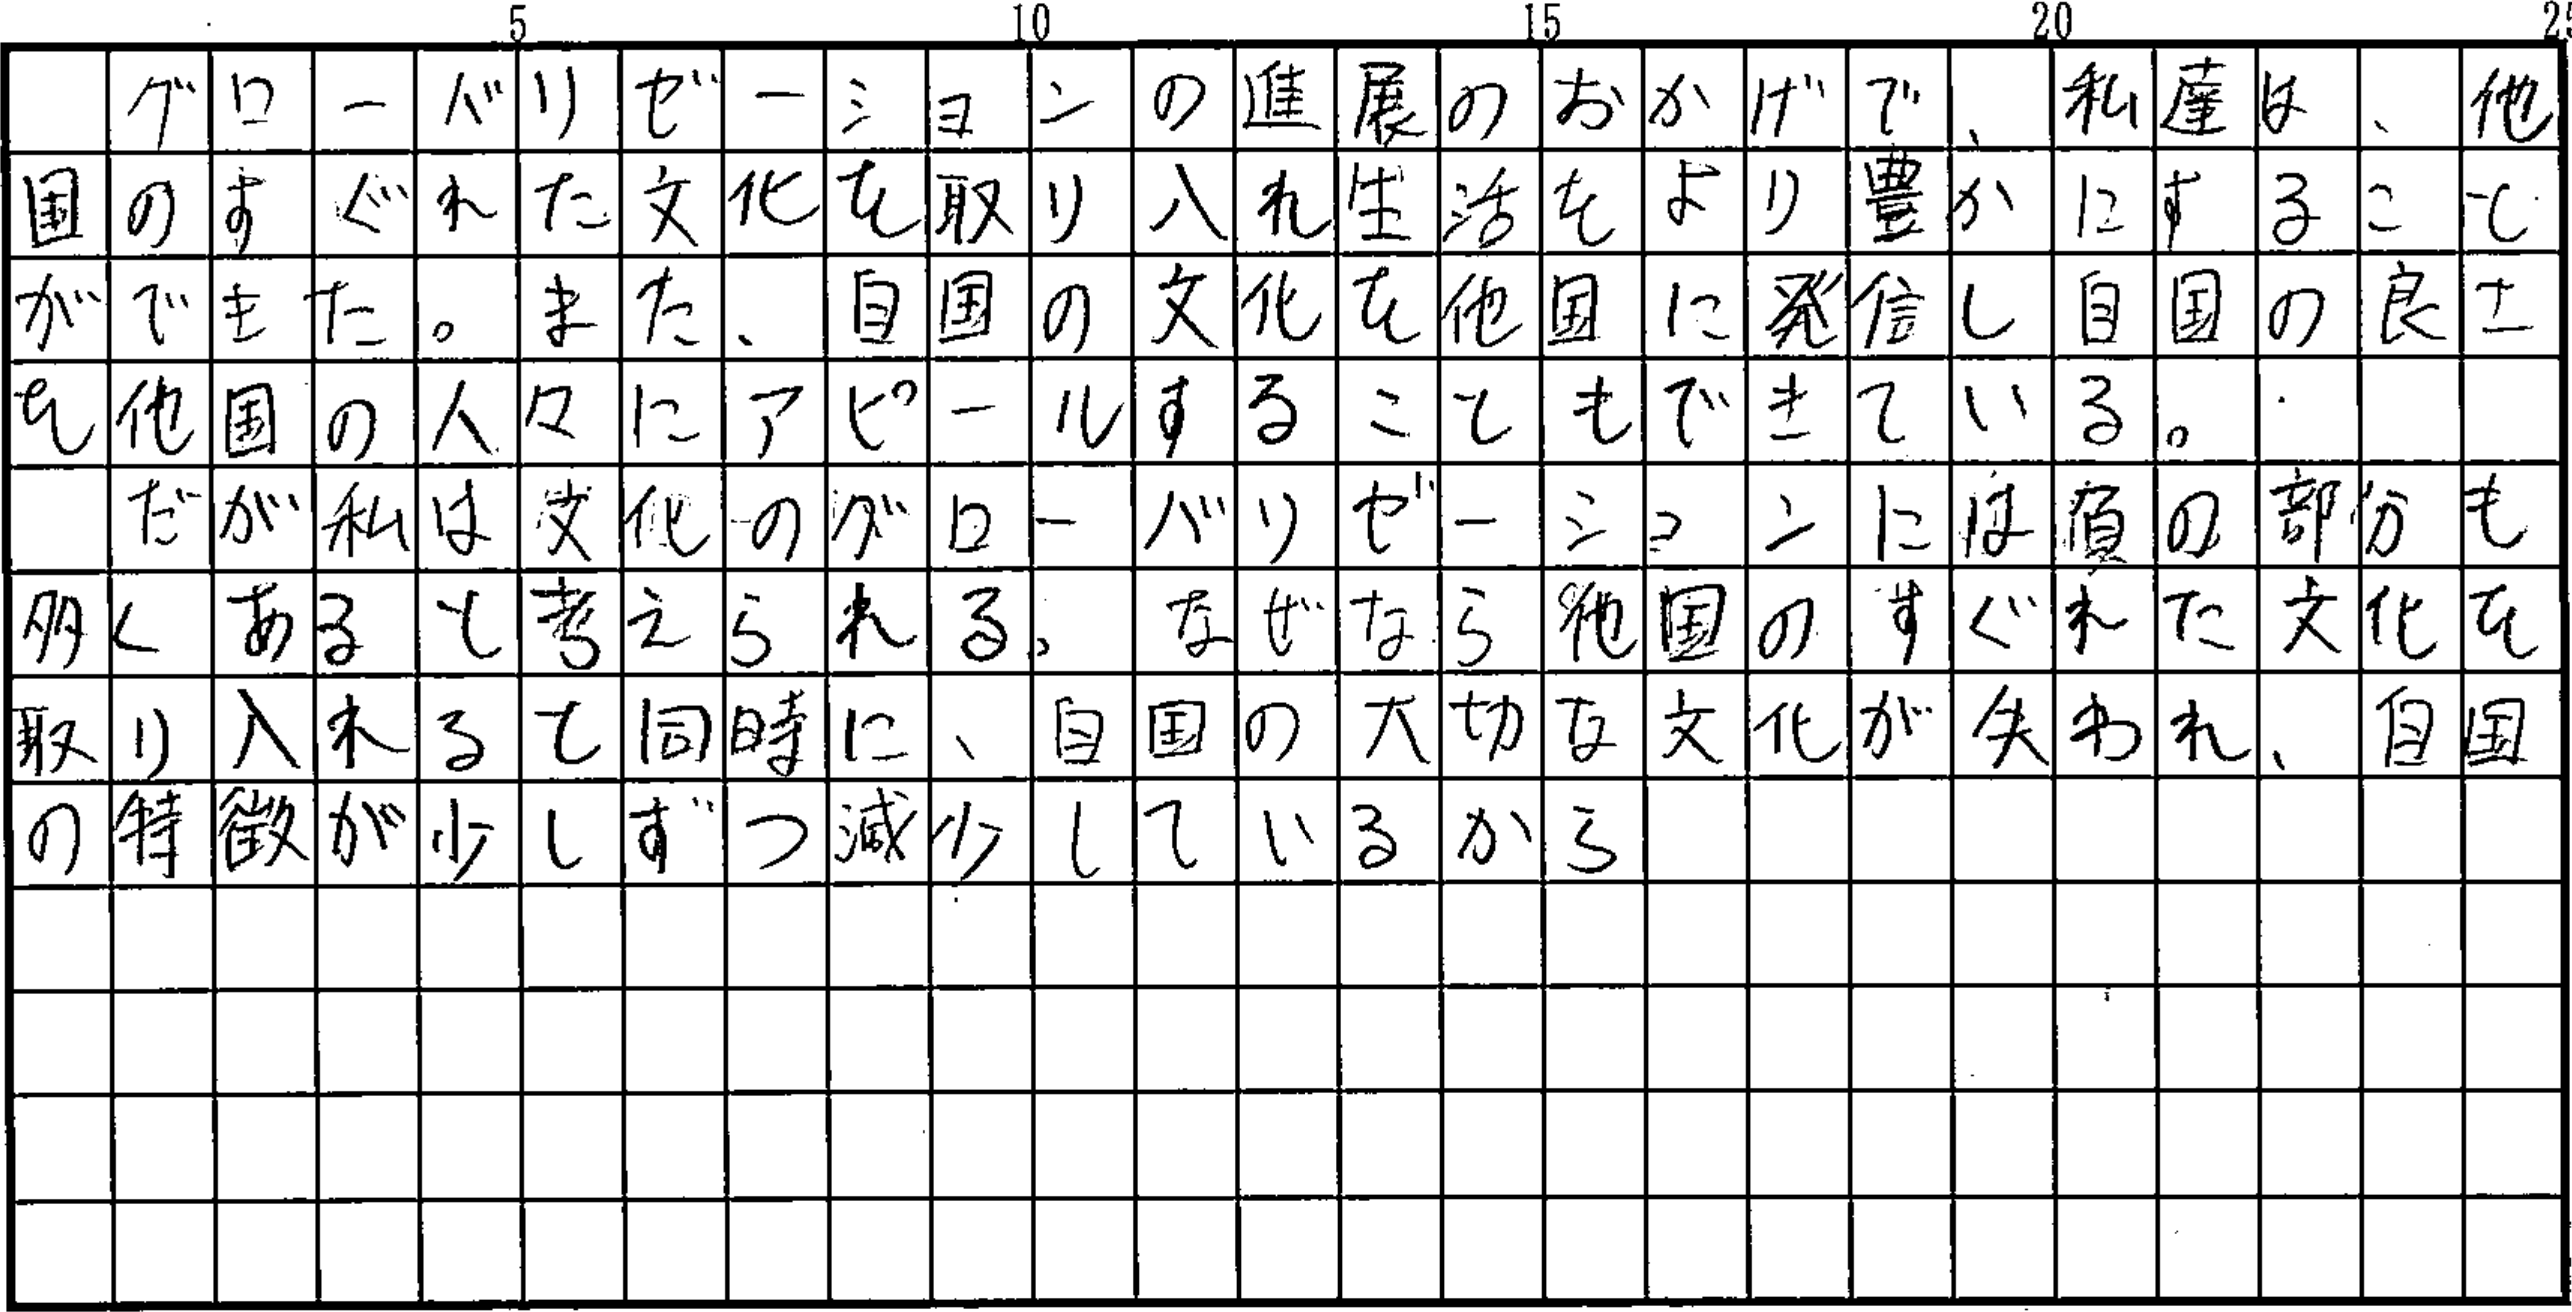　グローバリゼーションの進展のおかげで、私達は、他国のすぐれた文化を取り入れ生活をより豊かにすることができた。また、自国の文化を他国に発信し自国の良さを他国の人々にアピールすることもできている。
　だが私は文化のグローバリゼーションには負の部分も多くあると考えられる。なぜなら他国のすぐれた文化を取り入れると同時に、自国の大切な文化が失われ、自国の特徴が少しずつ減少しているから
